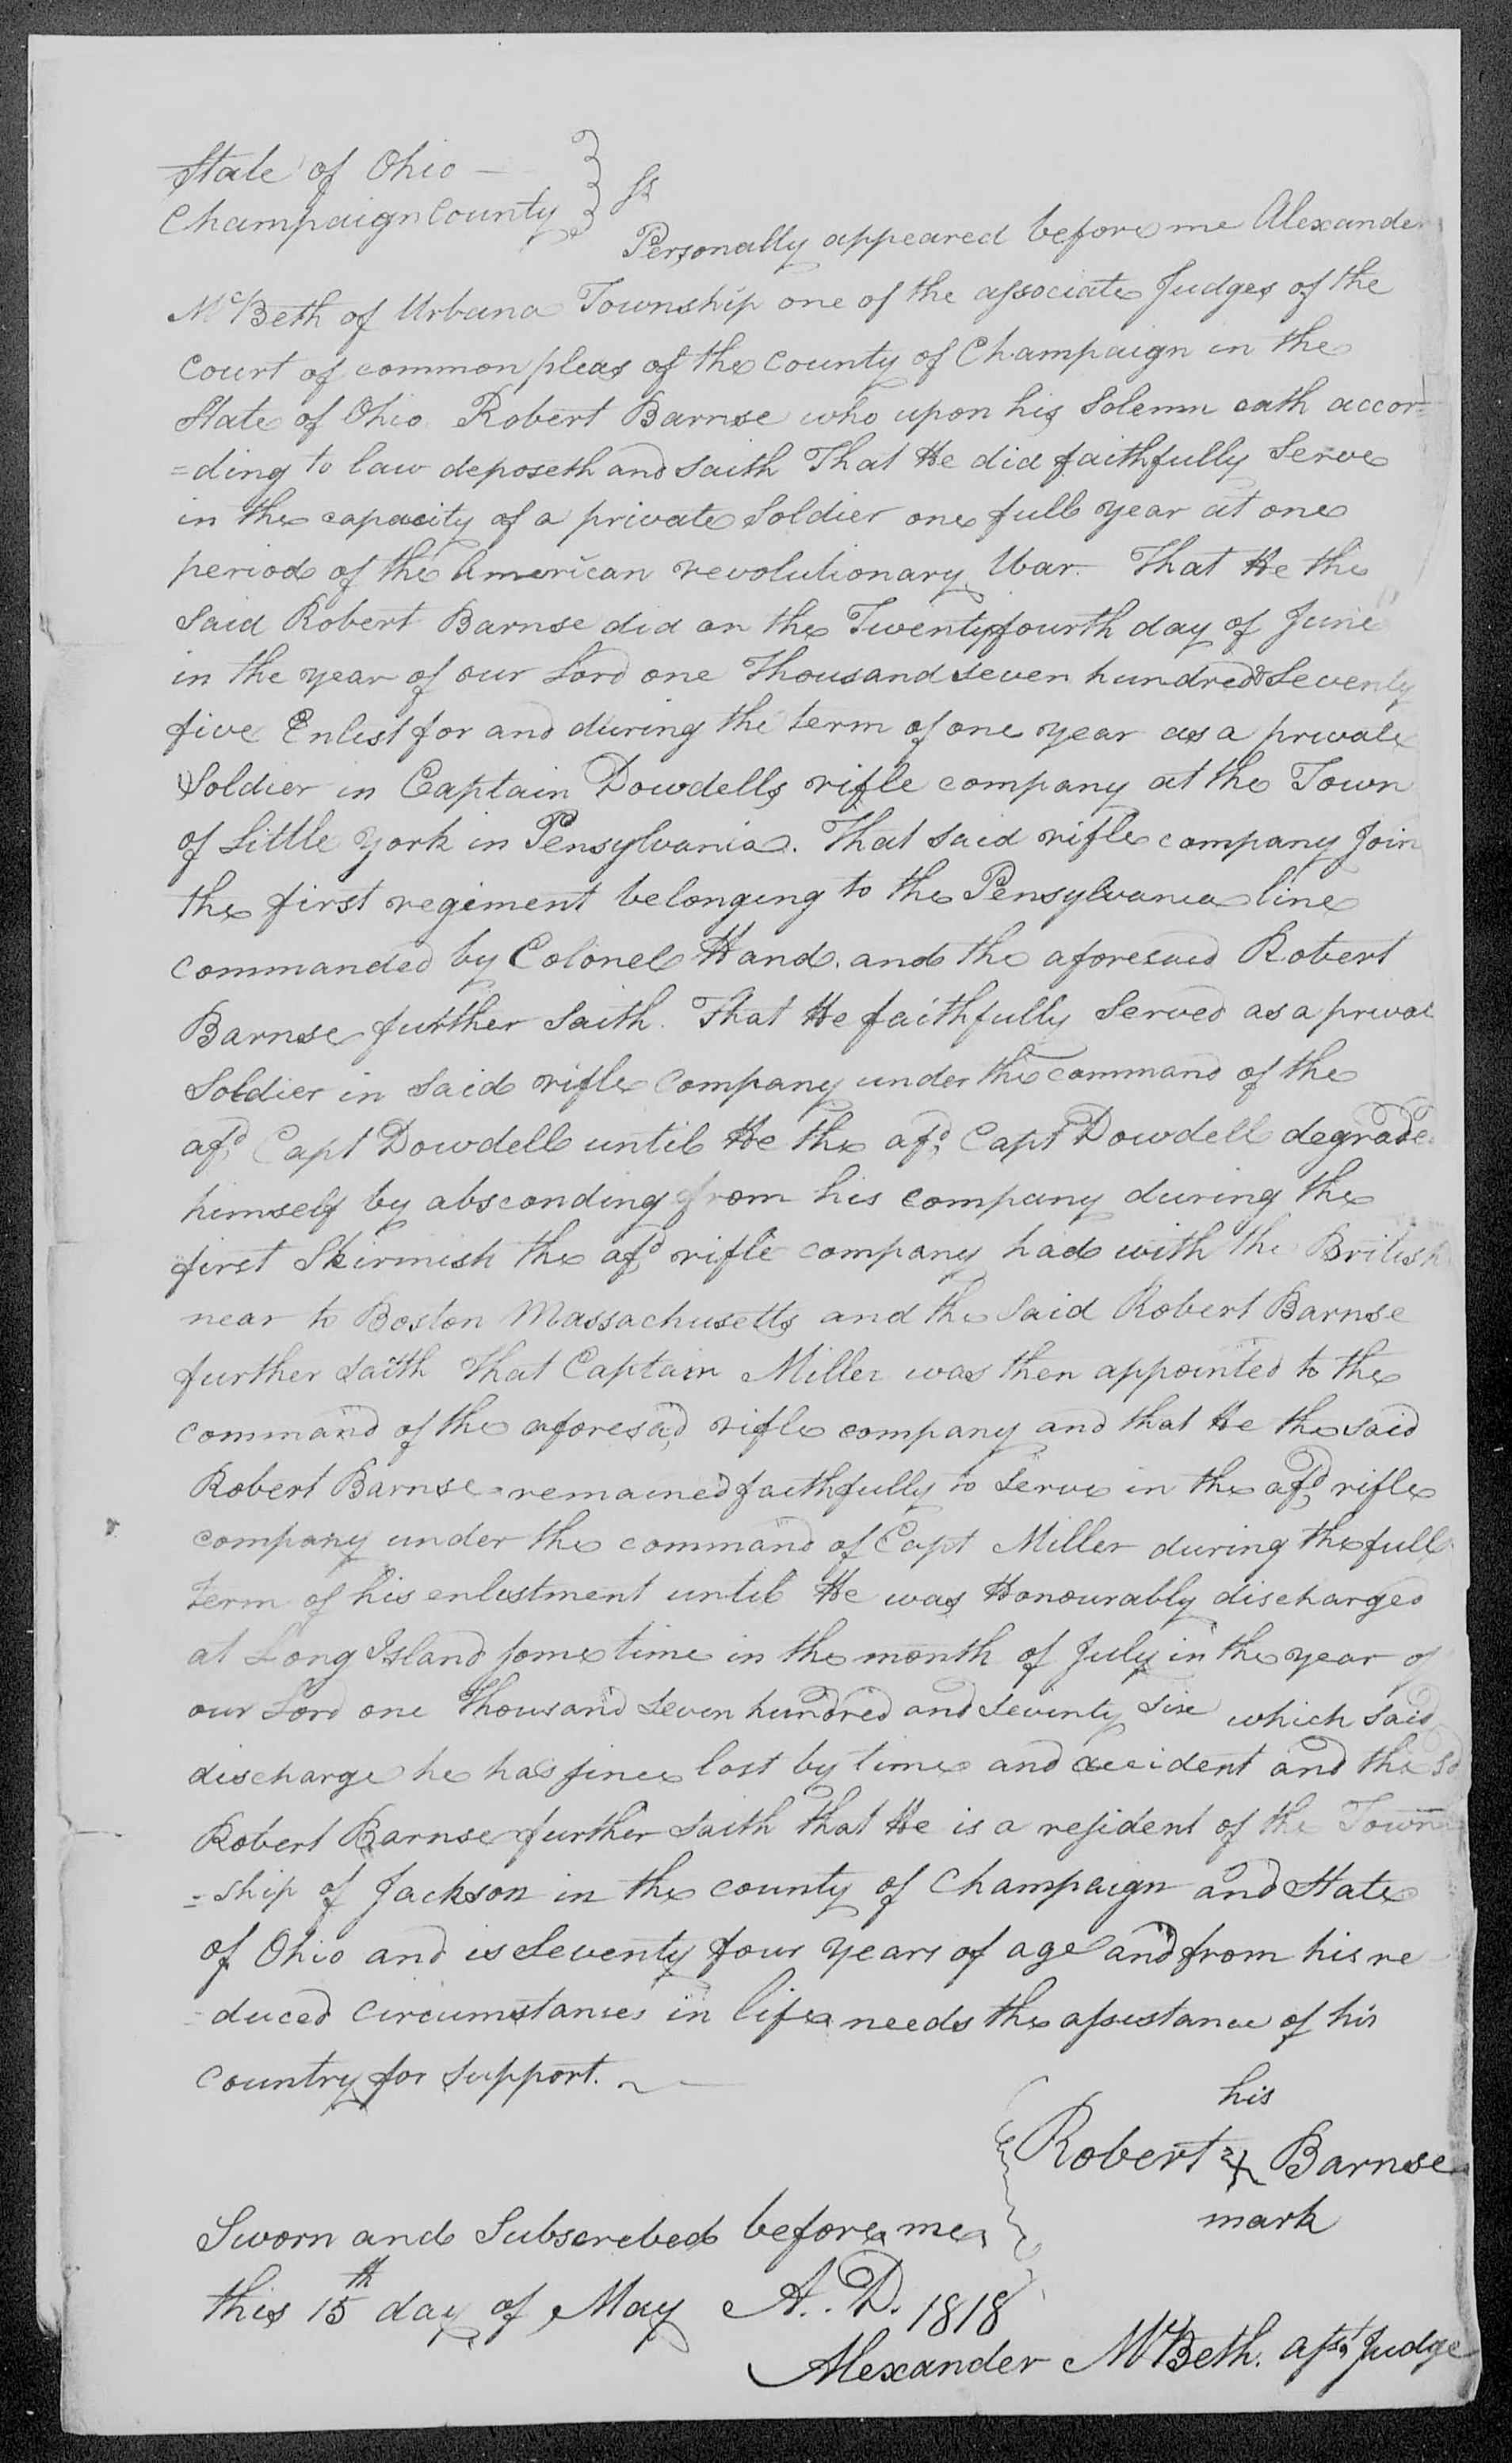State of Ohio
Champaign County Ss
Personally appeared before me Alexander
McBeth of Urbana Township one of the associate Judges of the
Court of common pleas of the County of Champaign in the
State of Ohio Robert Barnse who upon his solemn oath according
to law deposeth and saith that he did faithfully serve
in the capacity of a private soldier one of
full year at one
period of the American revolutionary War. That he the said Robert Barnse did on the Twenty fourth day of June
in the year of our Lord one Thousand seven hundred Seventy
five Enlist for and during the term of one year as a private
Soldier in Captain Dowdells rifle company at the Town of
Little York in Pensylvania. That said rifle company join
the first regiment belonging to the Pennsylvania line
commanded by Colonel Hand, and the aforesaid Robert
Barnse further saith. That he faithfully served as a private Soldier in said rifle Company under the command of the
afo Capt Dowdell until he the afo. Capt Dowdell degraded himself by absconding from his company during the
first Skirmish the afo rifle company had with the British
near to Boston Massachusetts and the said Robert Barnse further
saith that Captain Miller was then appointed to the
command of the aforesaid rifle company and that he the said
Robert Barnse remained faithfully to serve in the afo rifle
company under the command of Capt Miller during the full
Term of his enlistment until he was honourably discharged
at Long Island some time in the month of July in the year of
our Lord one thousand Seven hundred and Seventy six which said
discharge he has since lost by time and accident and the sd
Robert Barnse further saith that he is a resident of the Township of Jackson in the County of Champaign and State of
Ohio and is Seventy four years of age and from his reduced circumstances in life needs the assistance of his
country for support.

Robert Barnse X his mark

Sworn and Subscribed before me
this 15th day of May A.D. 1818
Alexander McBeth a Judge
Ass. Judge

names: Robert Barnse, Hand, Dowdell, Robert Barnse, Robert Barnse, Robert Barnse, Robert Barnse, Robert Barnse, Alexander Mc Beth, Alexander Mc Beth, Miller, Dowdell, Robert Barnse, Miller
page: 3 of 9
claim: survivor's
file: S. 45240, Robert Barnse, Continental Penn.